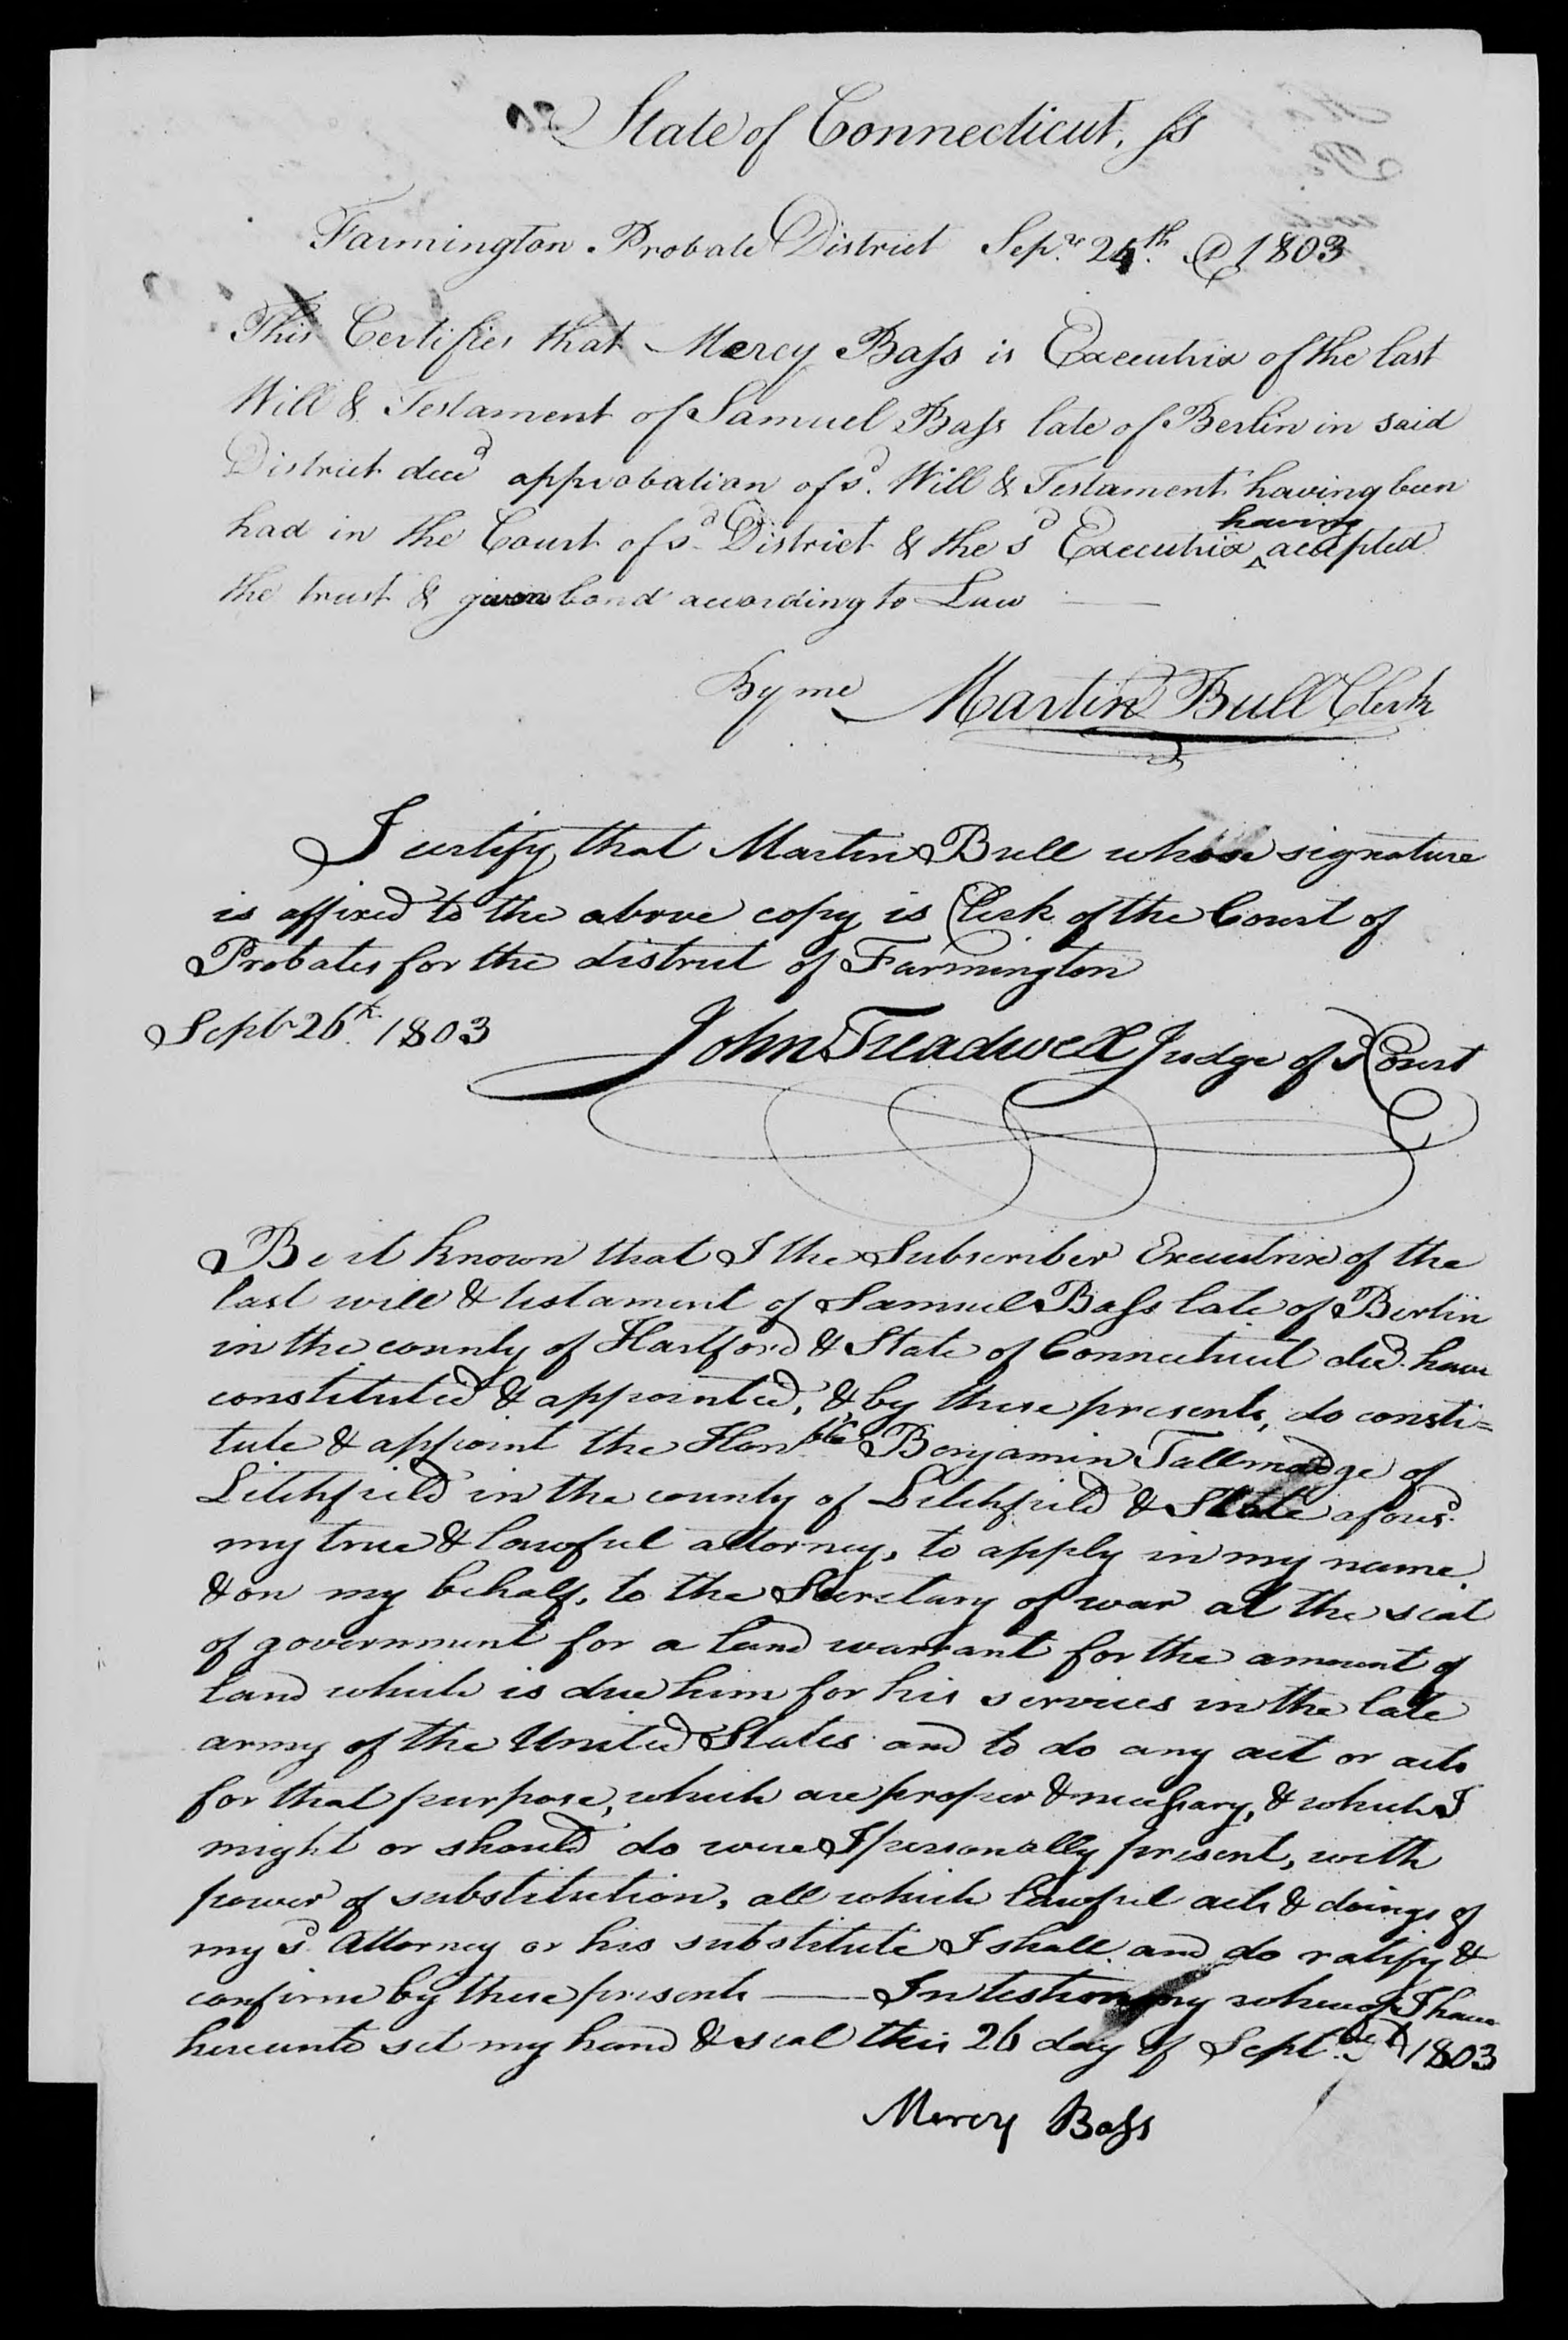State of Connecticut ss 
Farmington Probate District Sept 24th AD 1803 
This Certifies that Mercy Bass is Executrix of the last Will & Testament of Samuel Bass late of Berlin in said & District decd. approbation of sd Will & Testament having been had in the Court of sd District & the sd Executrix having accepted the trust & given bond according to Law 
By me 
[Signed] Martin Bull Clerk 

I certify that Martin Bull whose signature is affixed to the above copy is Clerk of the Court of Probates for the district of Farmington 
Sept 26th 1803 
[Signed] John Treadwell Judge of sd. Court 

Be it known that I the Subscriber Executrix of the last will & testament of Samuel Bass late of Berlin in the county of Hartford & State of Connecticut died have constituted & appointed, & by these presents, do constitute & appoint the Honble Benjamin Tallmadge of Litchfield in the county of Litchfield & State aforesd. my true & lawful attorney, to apply in my name & on my behalf, to the Secretary of war at the seat of government for a land warrant for the amount of land which is due him for his services in the late army of the United States and to do any act or acts for that purpose, which are proper & necessary, & which I might or should do were I personally present, with power of substitution, all which lawful acts & doings of my sd Attorney or his substitute I shall and do ratify & confirm by these presents. In testimony whereof I have hereunto set my hand & seal this 26 day of Sept AD 1833 
[Signed] Mercy Bass
[SEAL]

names: Benjamin Tallmadge, Samuel Bass, Martin Bull, Martin Bull, Mercy Bass, John Treadwell, Mercy Bass, Samuel Bass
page: 5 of 9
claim: bounty land warrant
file: B. L. Wt. 87-100, Samuel Bass, Continental